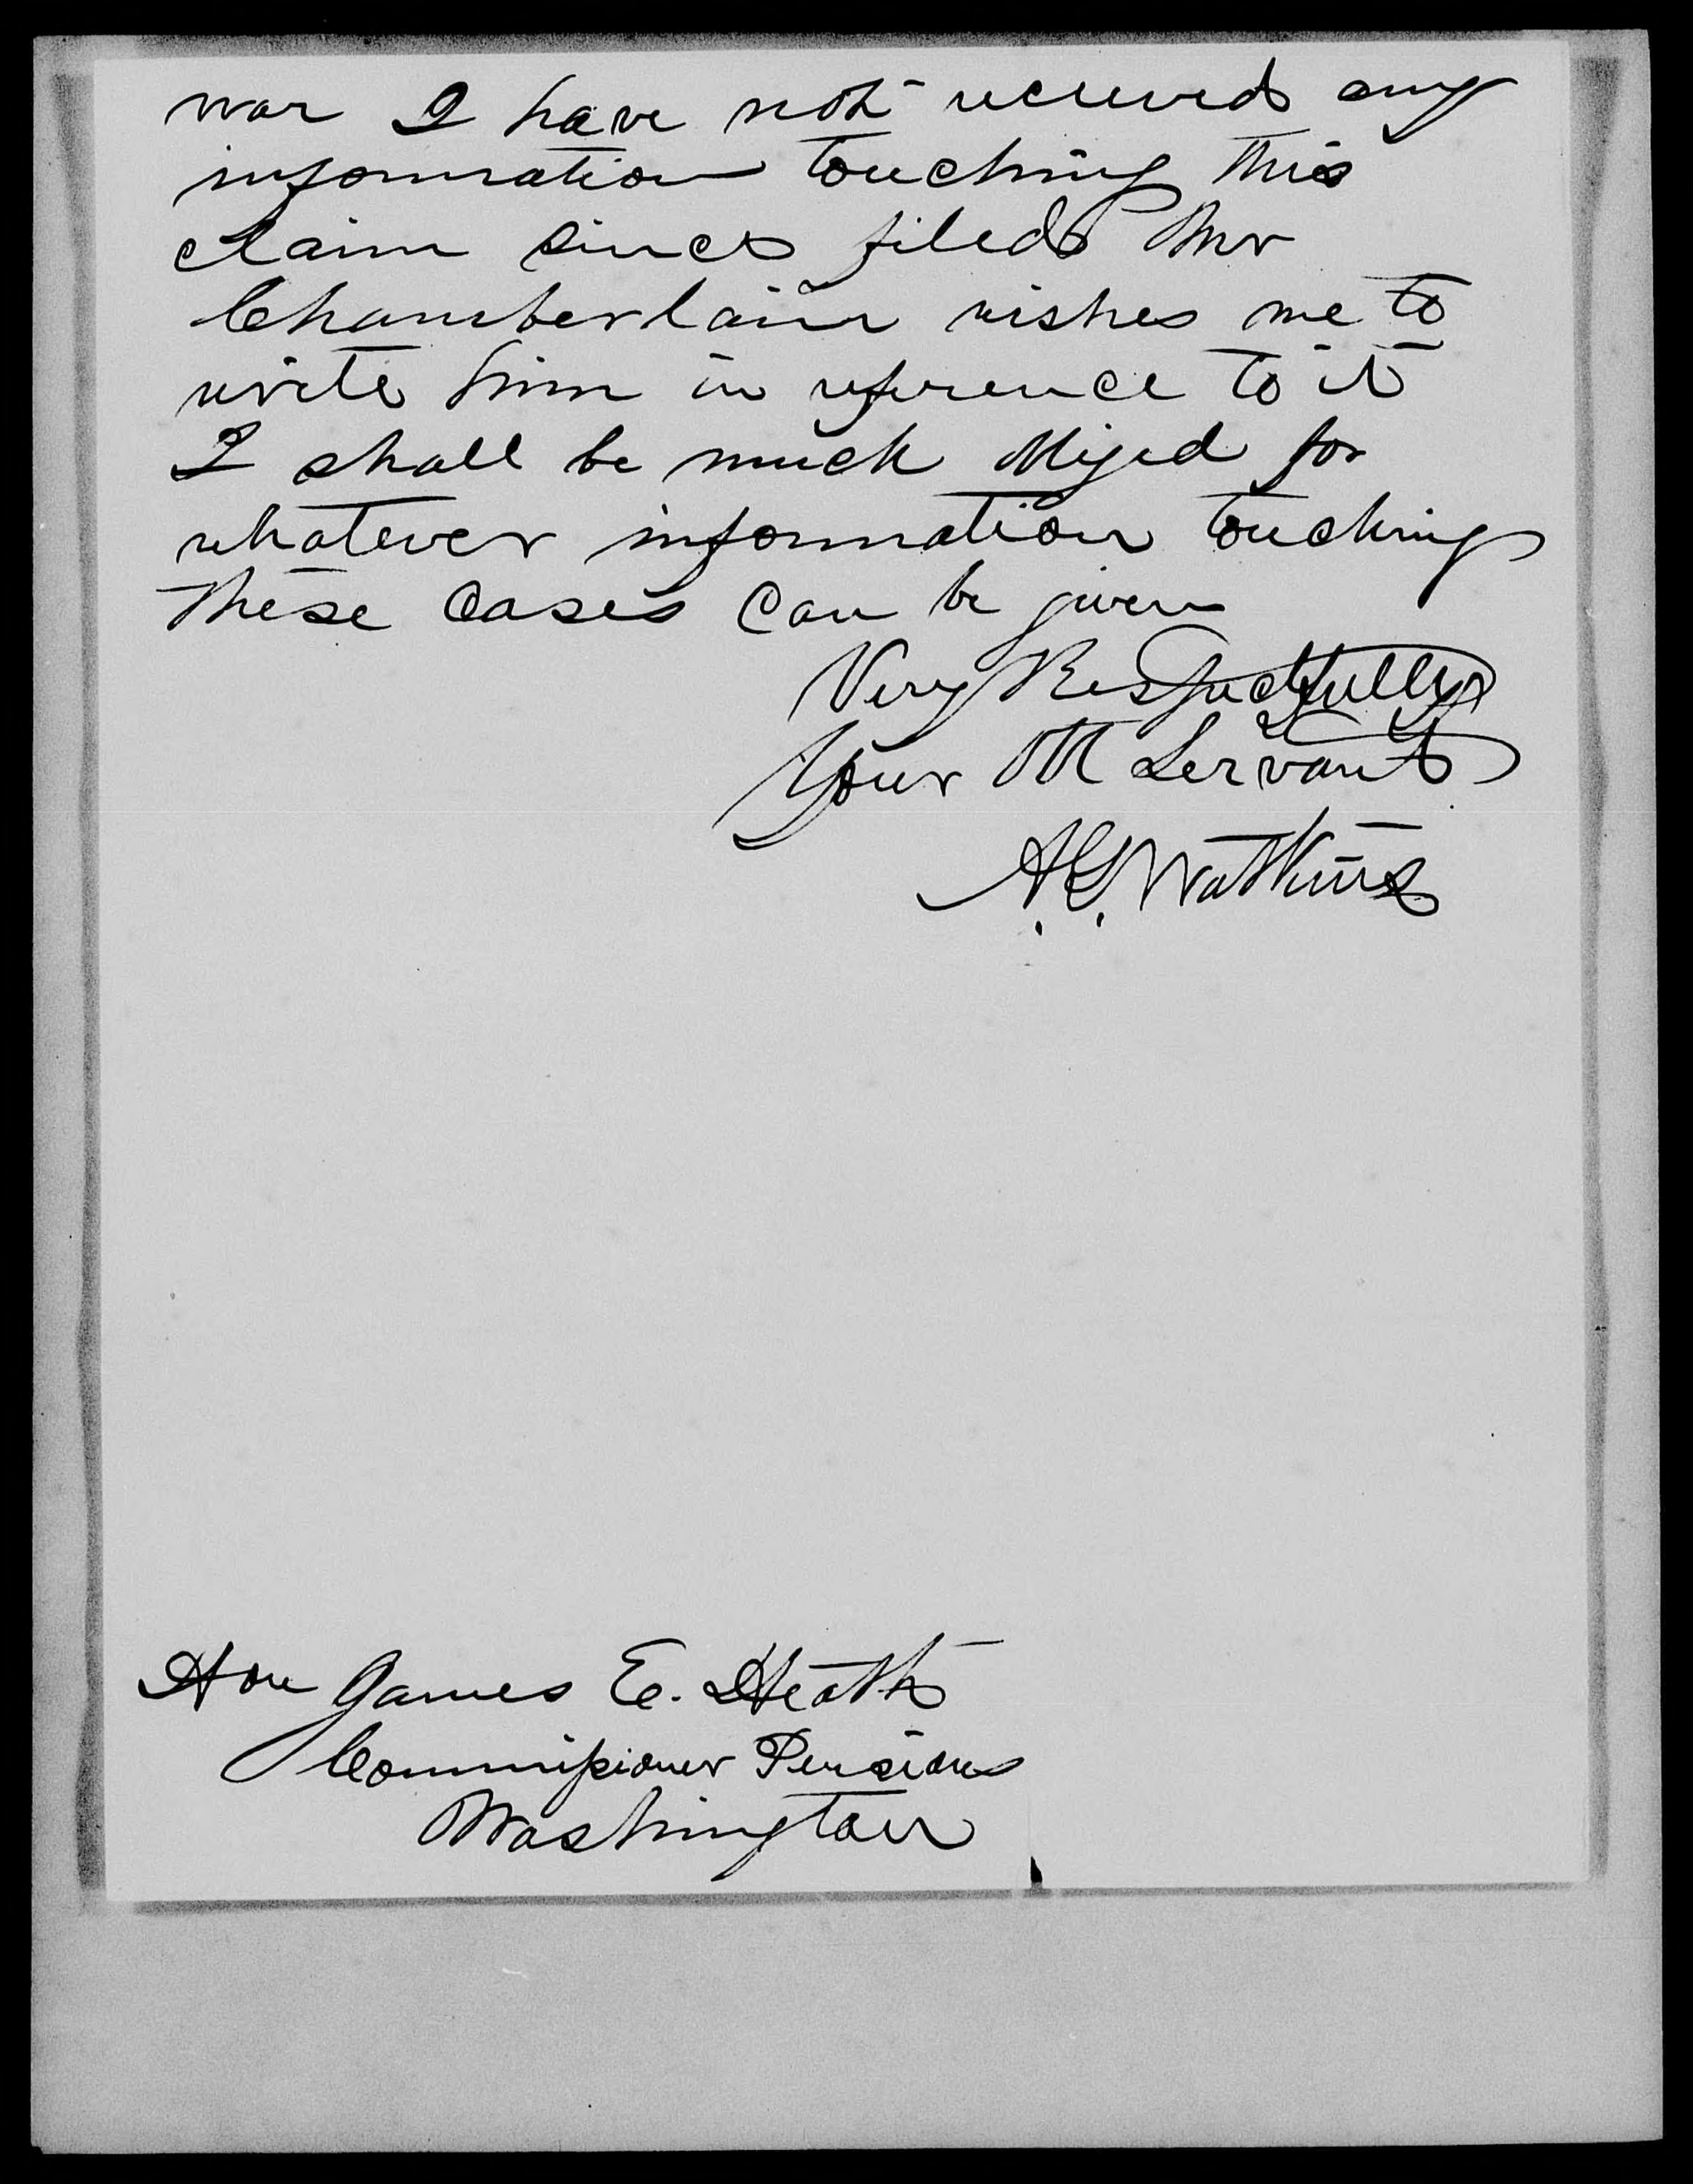war I have not received any
information touching this
claim since filed Mr
Chamberlain wishes me to
write him in reference to it
I shall be much obliged for
whatever information touching
these cases can be given
Very Respectfully
Your Obt Servant
A. G. Watkins

Hon James E. Heath
Commissioner Pensions
Washington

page: 64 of 120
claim: widow's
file: W. 1044, for Salathiel Martin, North Carolina